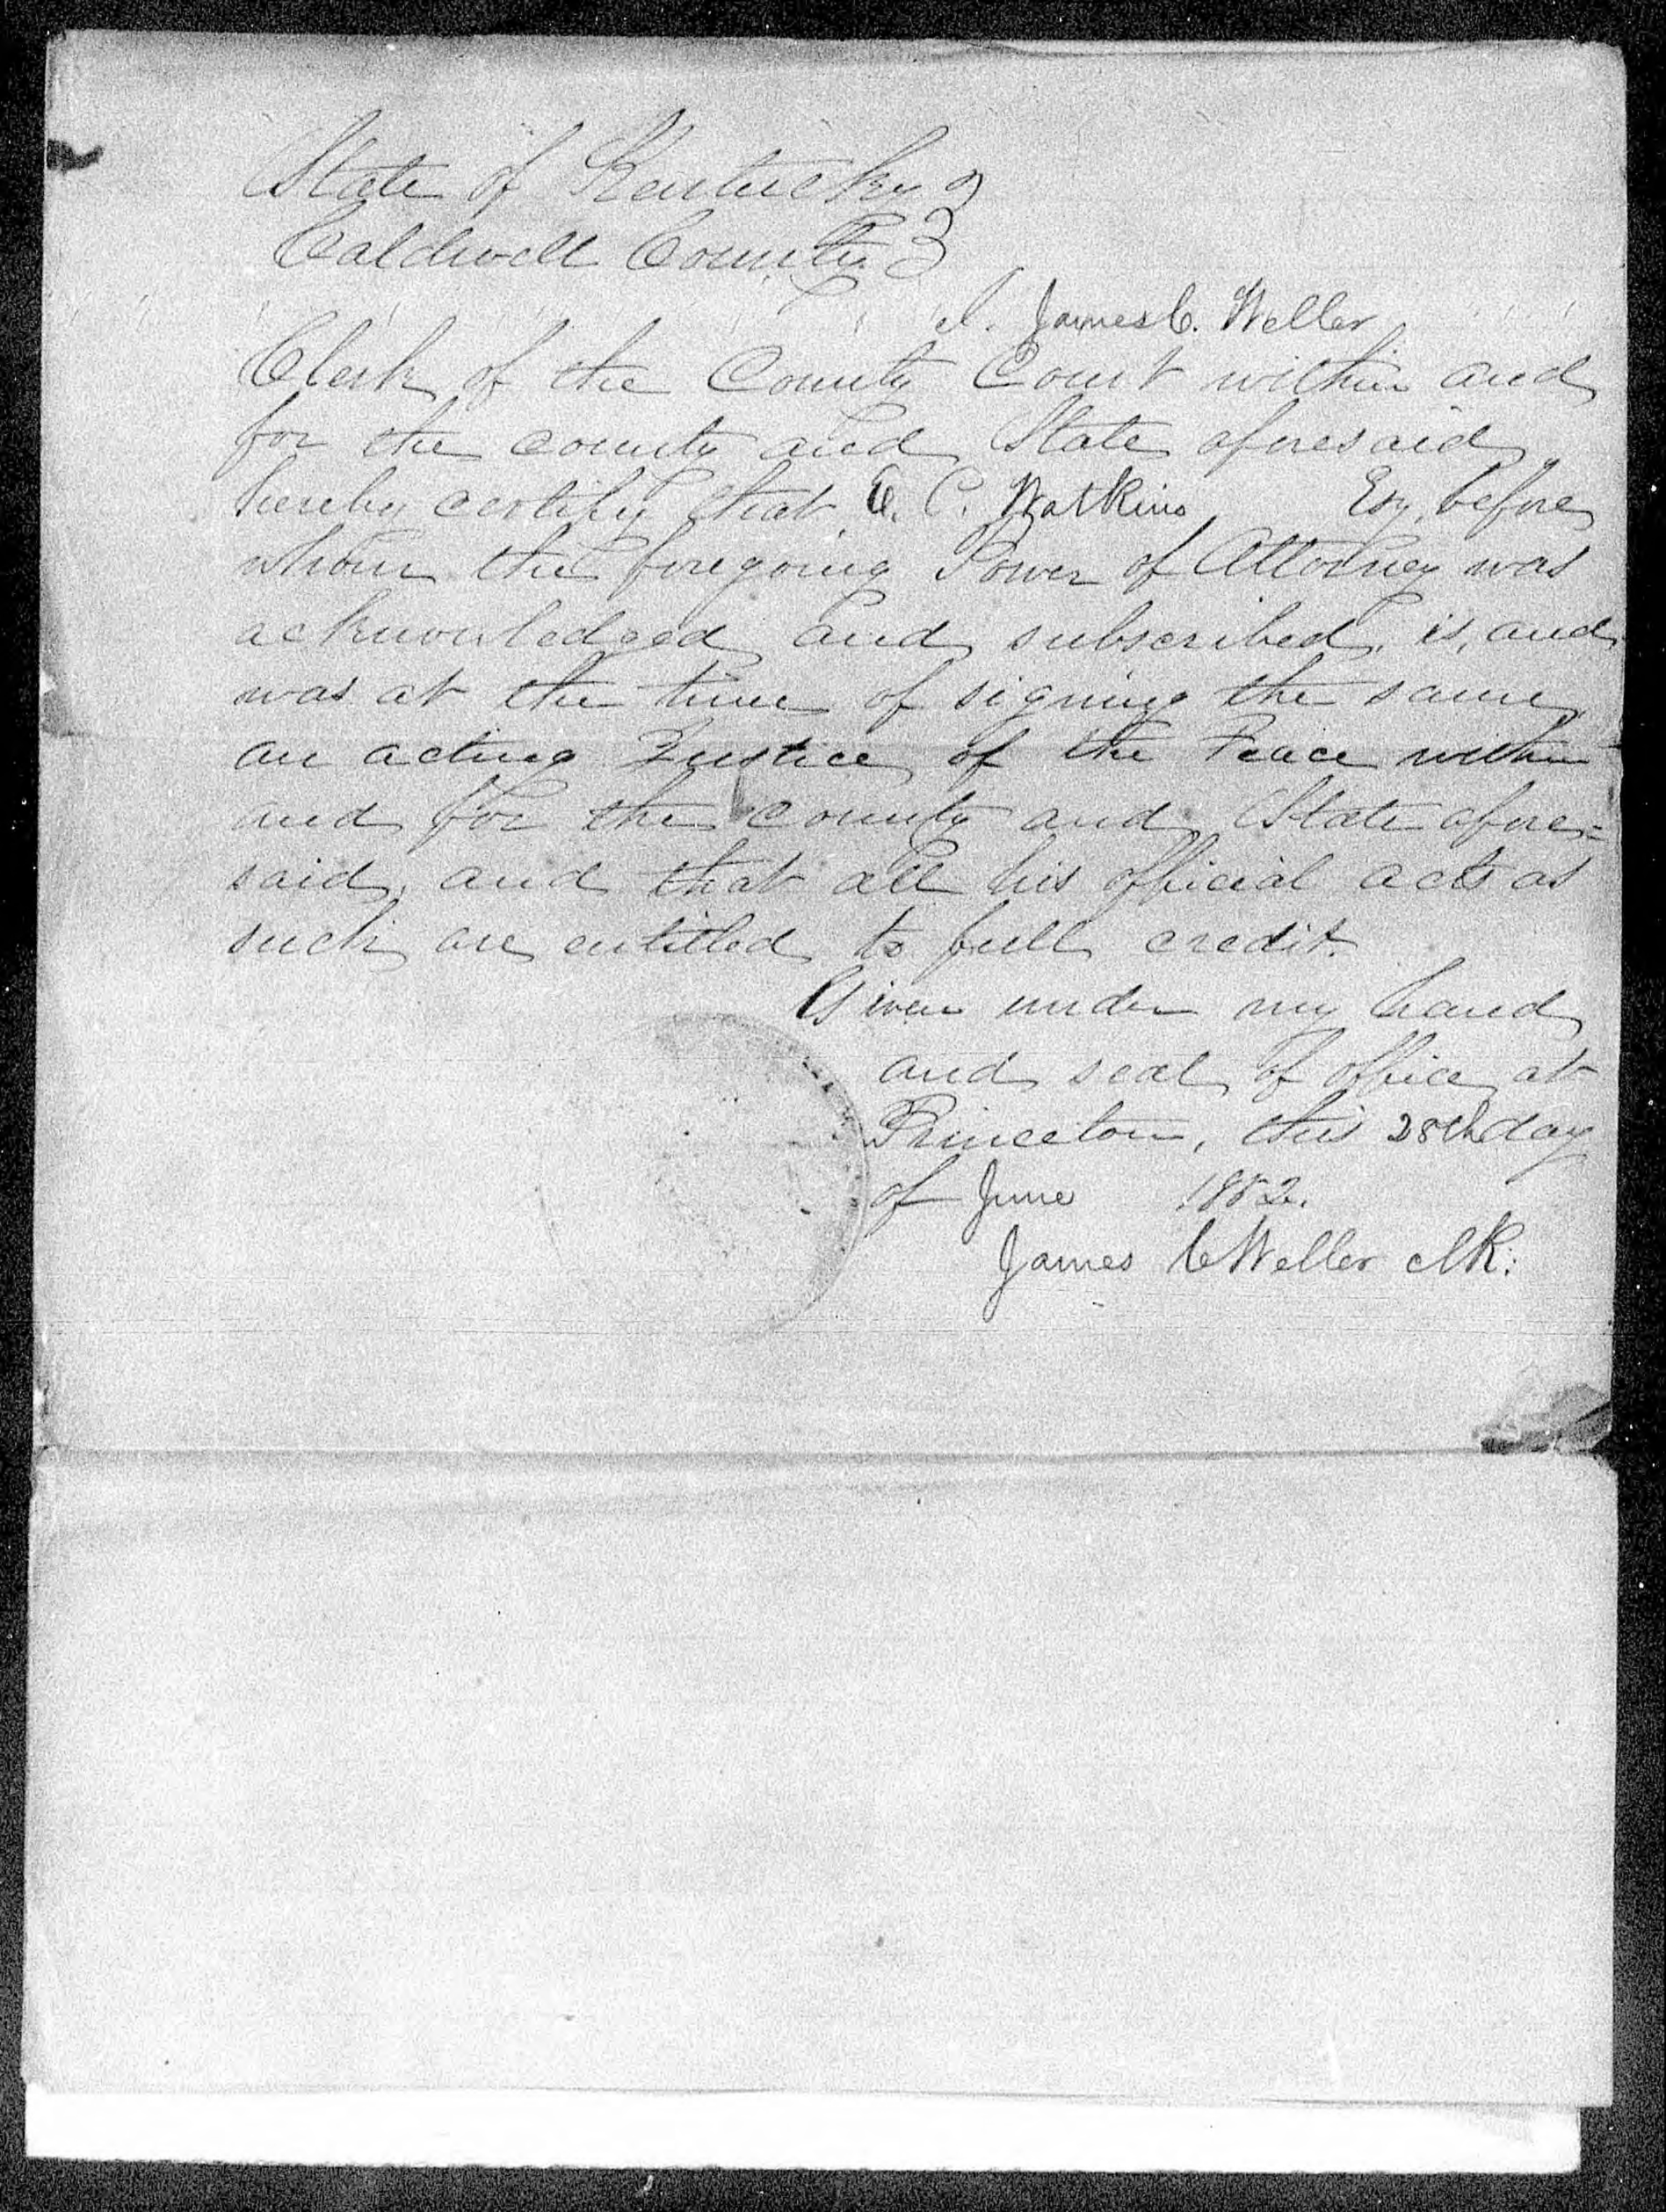State of Kentucky}
Caldwell County  }
I, James C. Weller Clerk of the County Court within and for the county and State aforesaid hereby certify that E. C. Watkins Esq, before whom the foregoing Power of Attorney was acknowledged and subscribed, is and was at the time of signing the same an acting Justice of the Peace within and for the county and State aforesaid, and that all his official acts as such are entitled to full credit.
Given under my hand and seal of office at Princeton, this 28th day of June 1853.
James C. Weller clk.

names: James C Weller, James C Weller, E C Watkins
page: 51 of 75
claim: widow's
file: W. 8876, Thomas Gregory, Continental Va